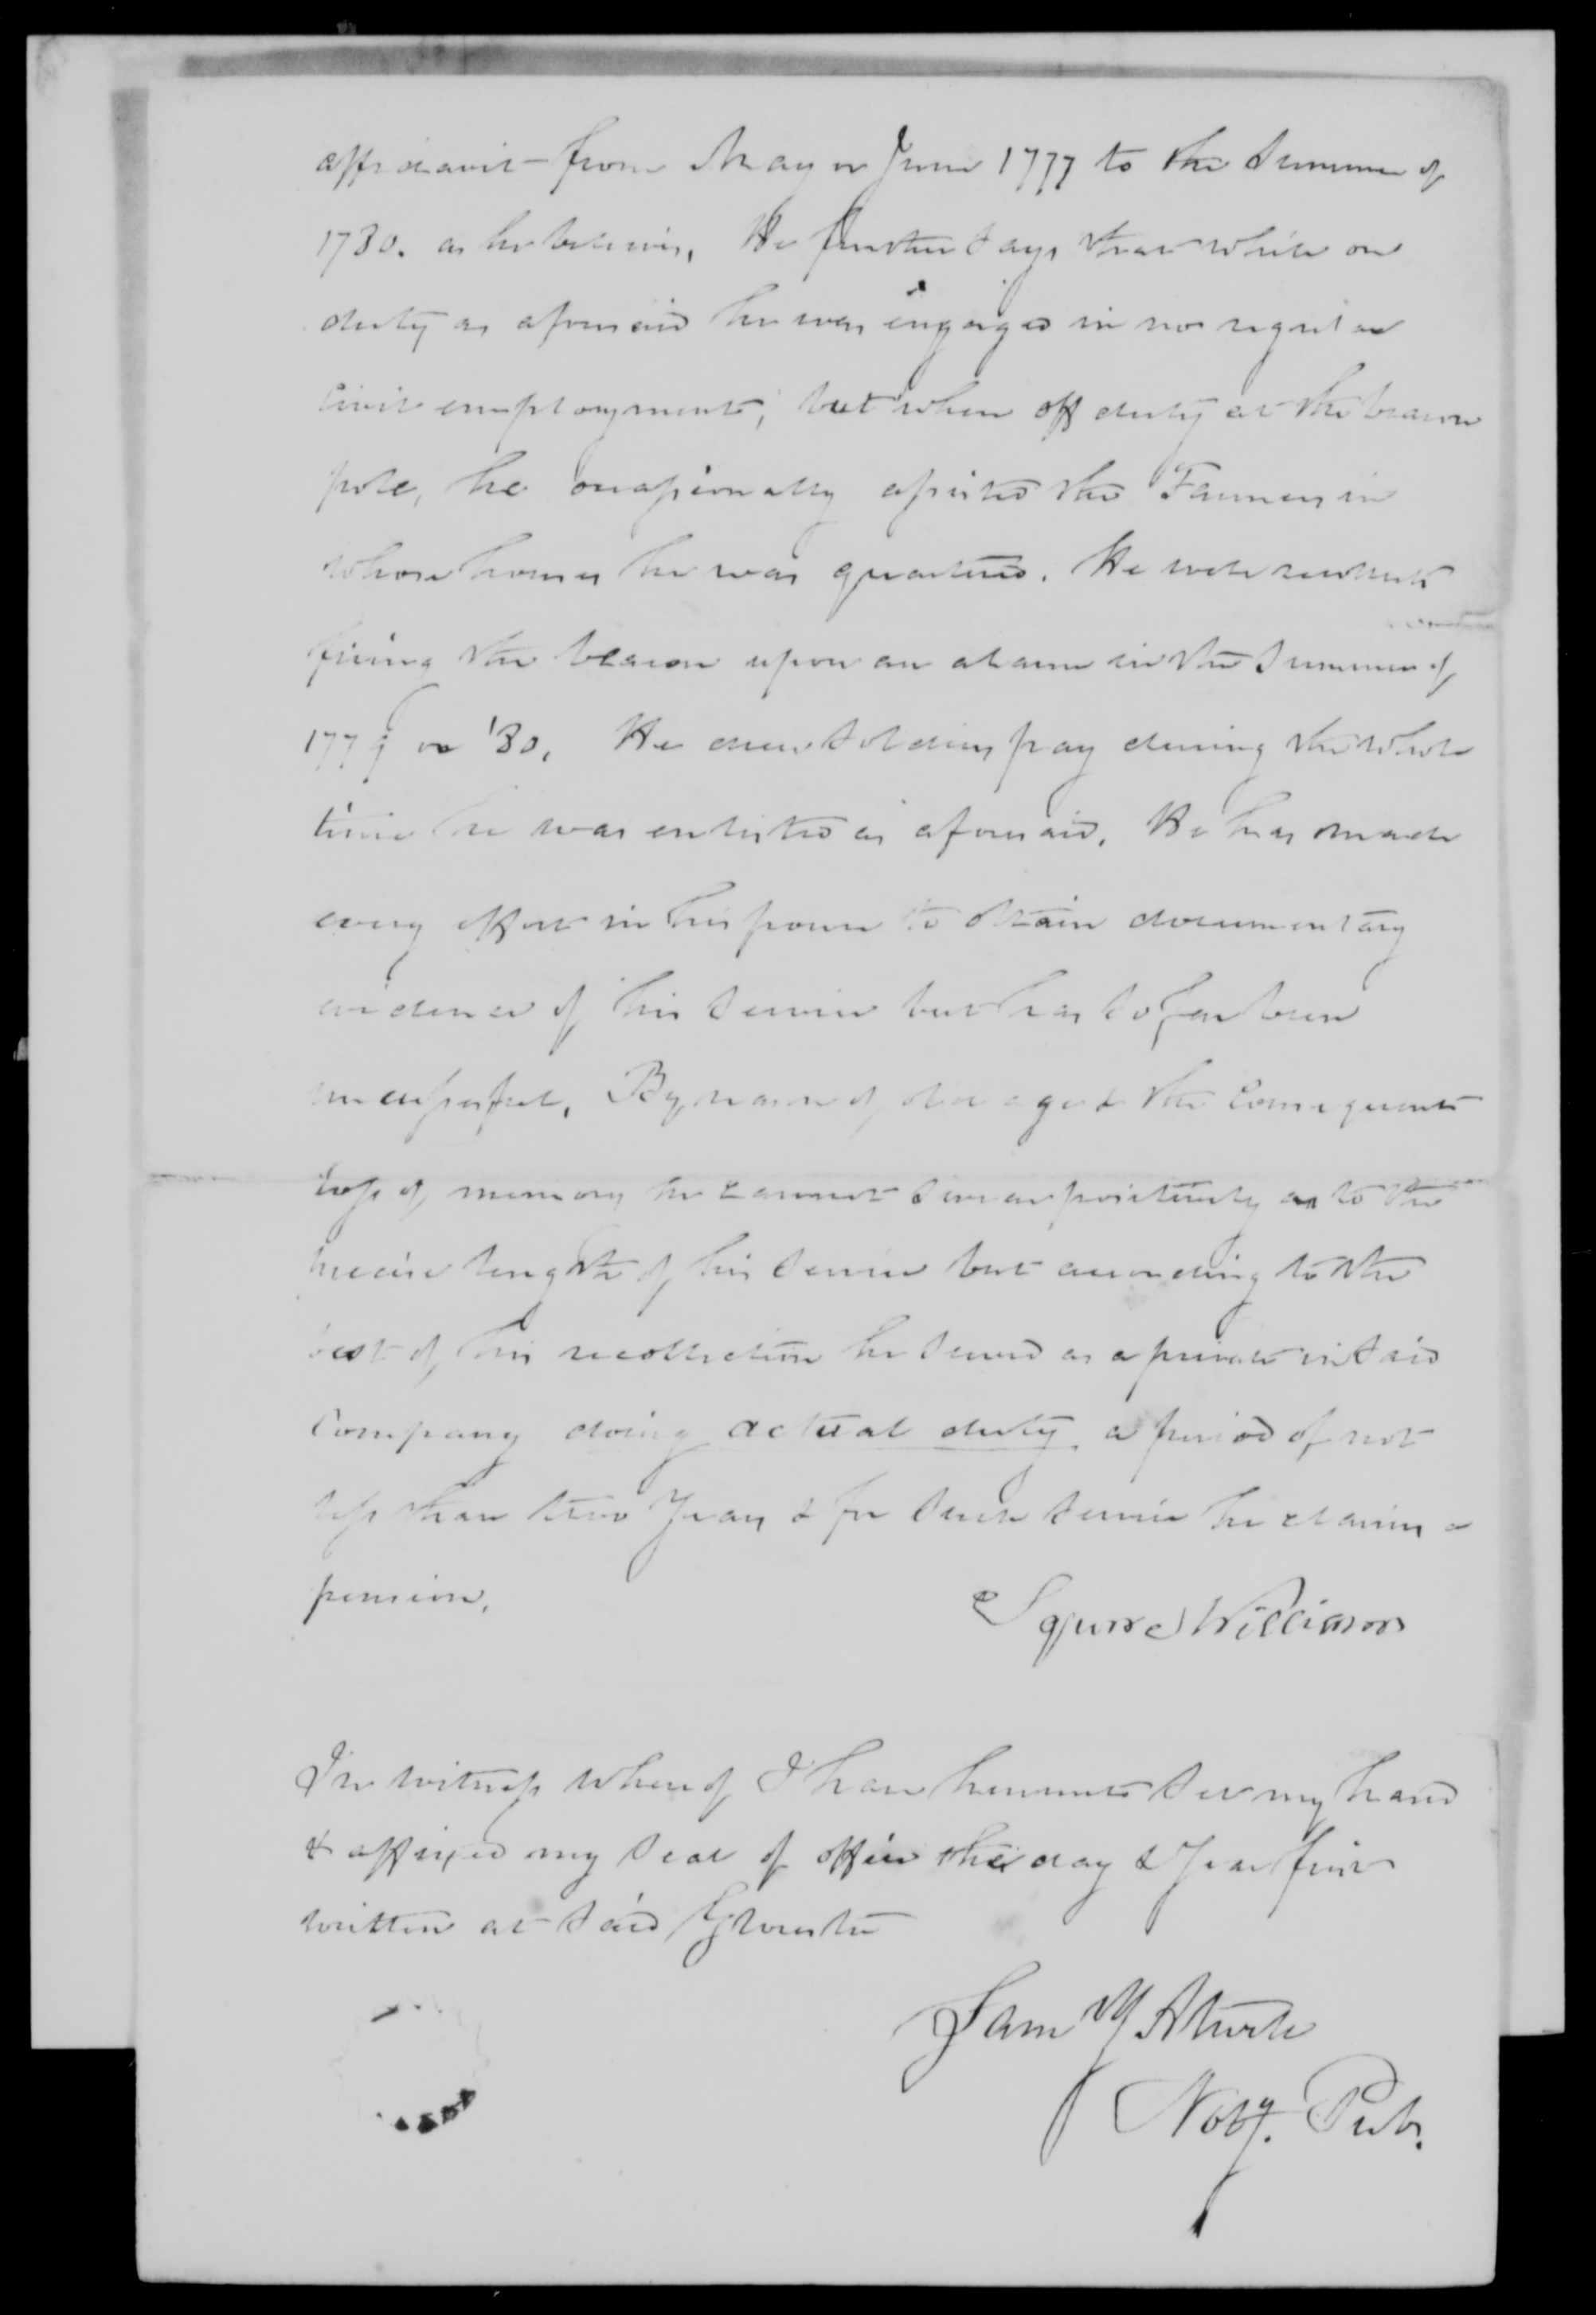Affidavit- from May or June 1777 to the Summer of 1780. as he believes. He further says that while on duty as aforesaid he was engaged in no regular civil employment, but when off duty at the beacon pole, he occasionally assisted the Farmer in whose houses he was quartered. He (illegible) firing the beacon upon an alarm in the summer of 1779 or ‘80. He drew soldiers pay during the whole time he was enlisted as aforesaid. He has made every effort in his power to obtain documentary evidence of his service but has so far ben unsuccessful. By means of old age & the consequence of loss of memory he cannot swear positively as to the precise length of his service but according to the best of his recollection he served as a private in said Company doing actual duty a period of not less than two years & for said service he claims pension.

Squire Williams

 In witness whereof I have hereunto set my hand affixed my seal of office the day & year first written at said Glouster 

Sam Y Atwell 
Noty. Pub.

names: Saml Y Atwell, Squire Williams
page: 21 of 23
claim: survivor's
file: S. 21576, Squire Williams, R. I.